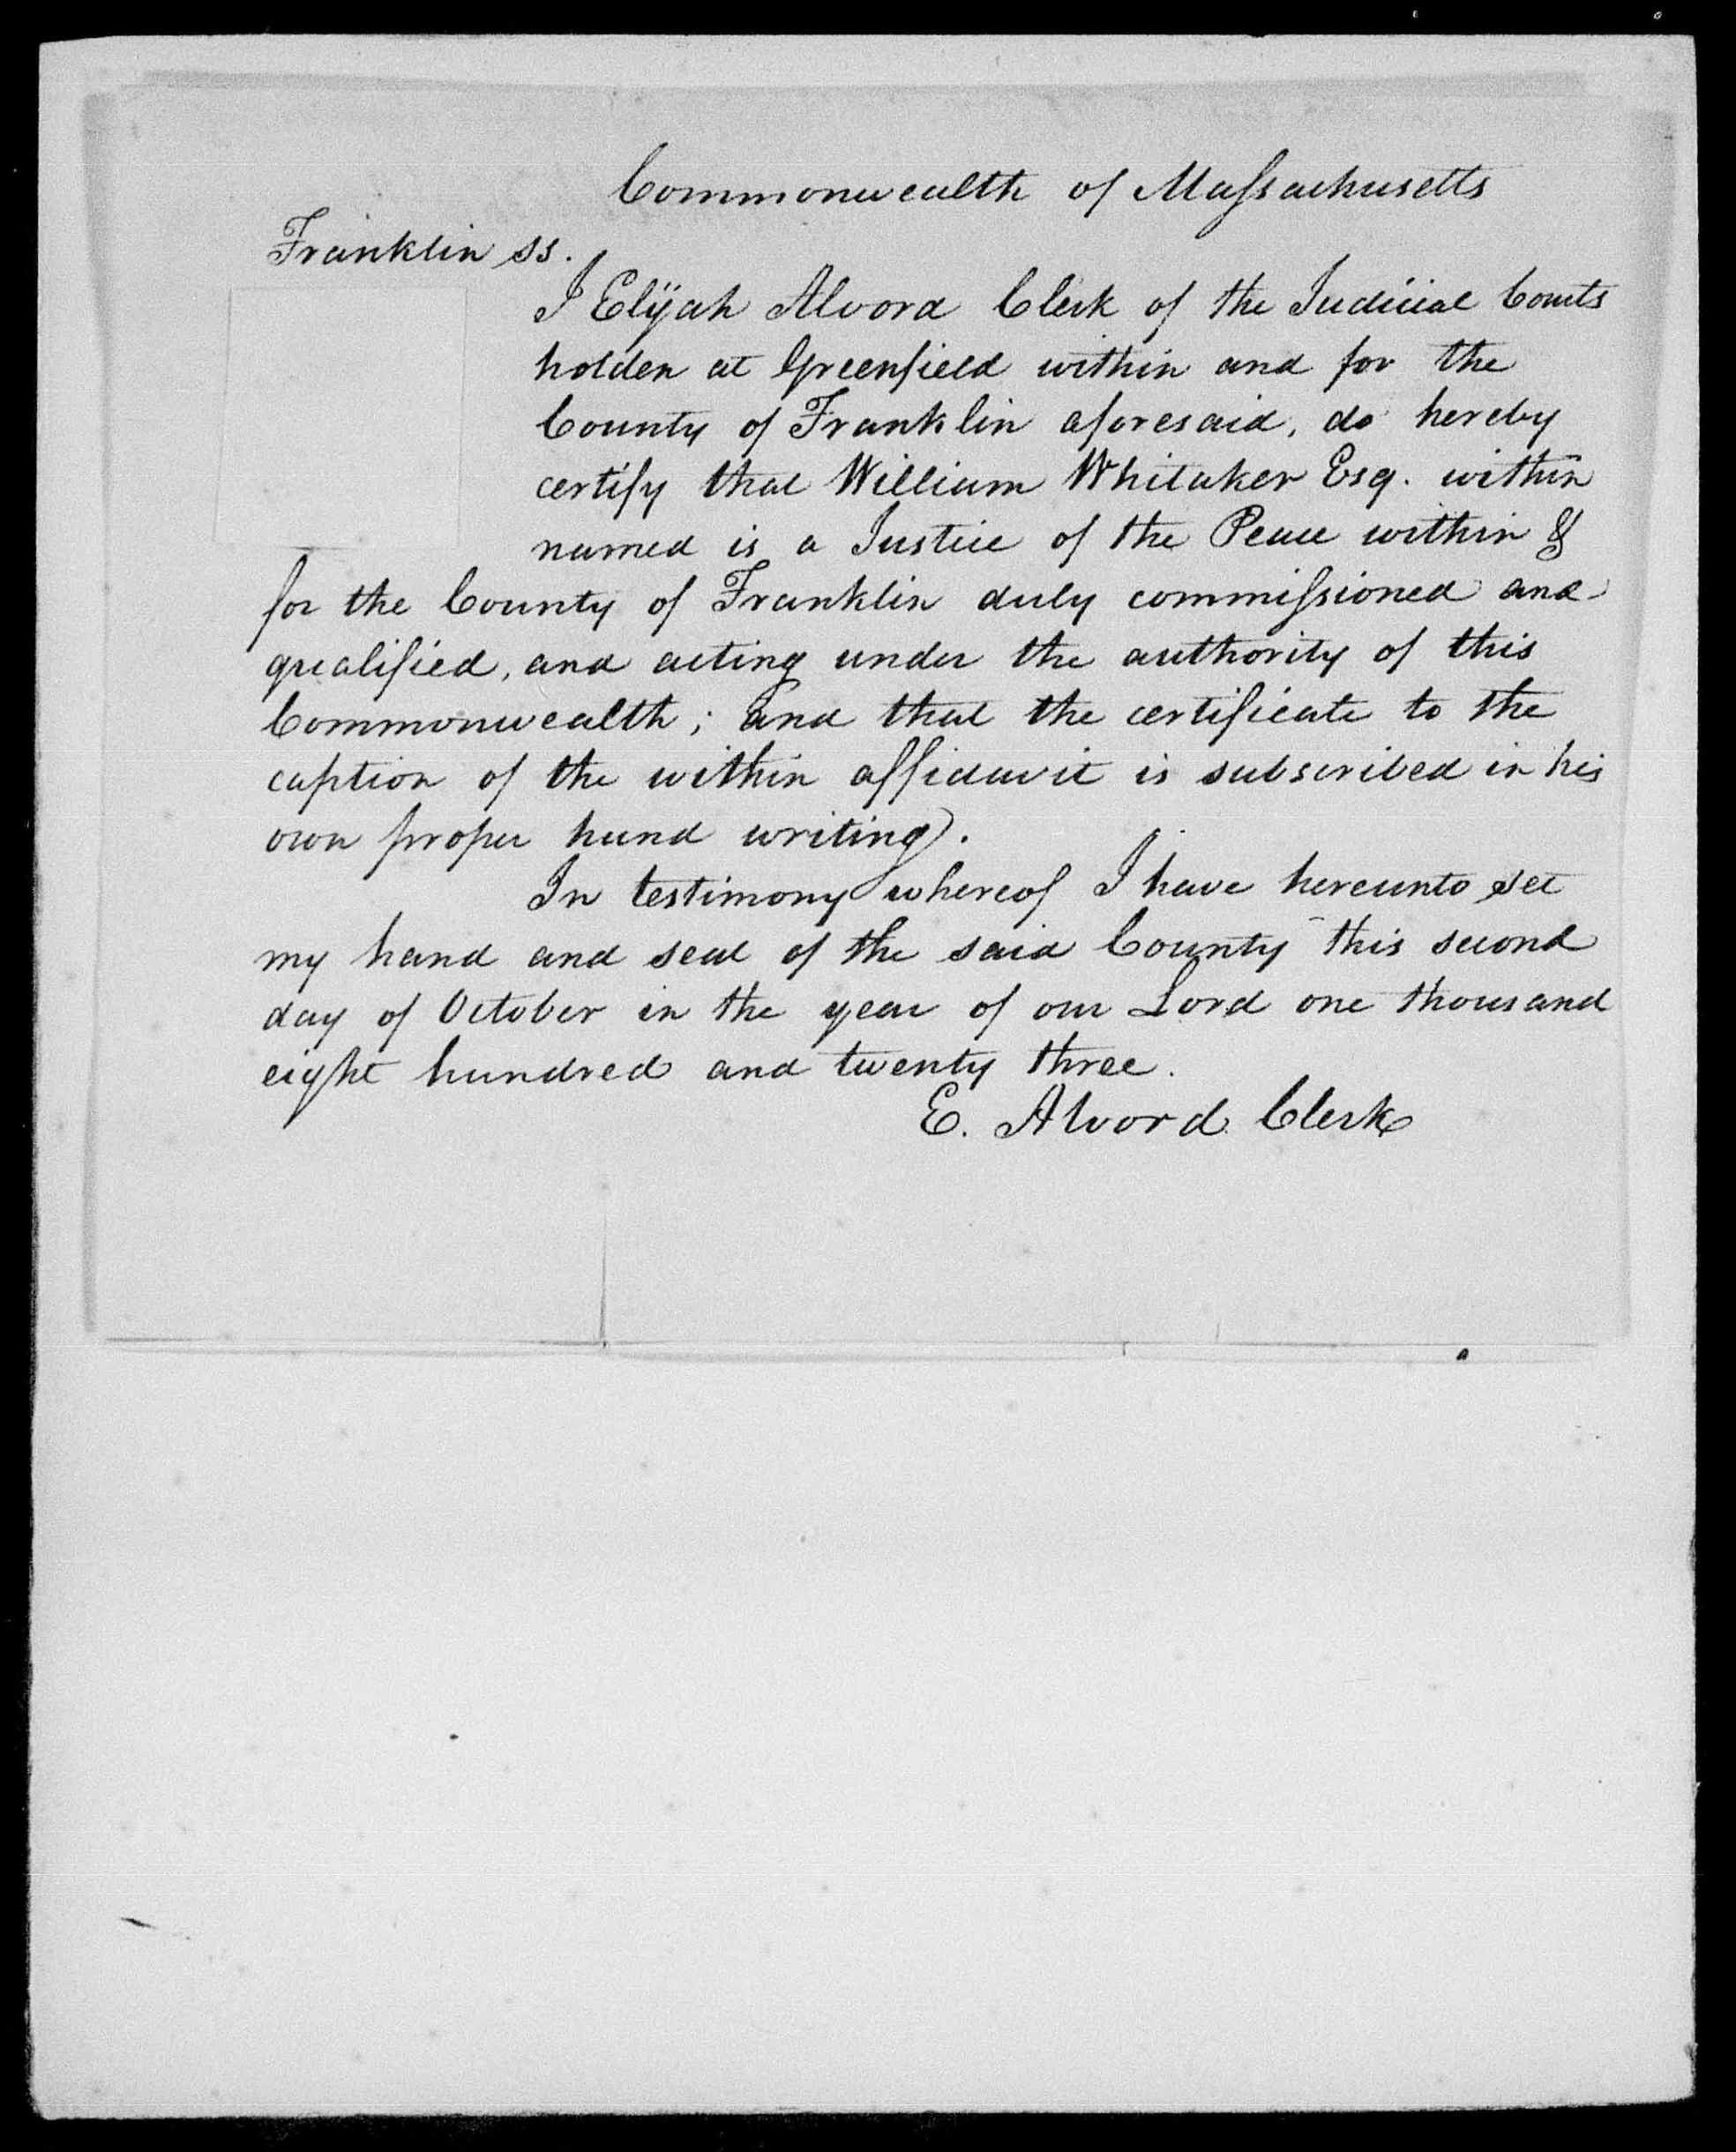Commonwealth of Massachusetts
Franklin Ss.
I Elijah Alvord Clerk of the Judicial Courts holden at Greenfield within and for the County of Franklin aforesaid, do hereby certify that William Whitaker Esq. within named is a Justice of the Peace within & for the County of Franklin duly commissioned and qualified and acting under the authority of this Commonwealth; and that the certificate to the caption of the within affidavit is subscribed in his own proper hand writing.
In testimony whereof I have hereunto set my hand and seal of the said County this second day of October in the year of our Lord One Thousand Eight hundred and twenty three.
E. Alvord   Clerk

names: Elijah Alvord, E Alvord, William Whitaker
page: 18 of 22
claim: survivor's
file: S. 38777, Jacob Grover, Continental (Vt.)